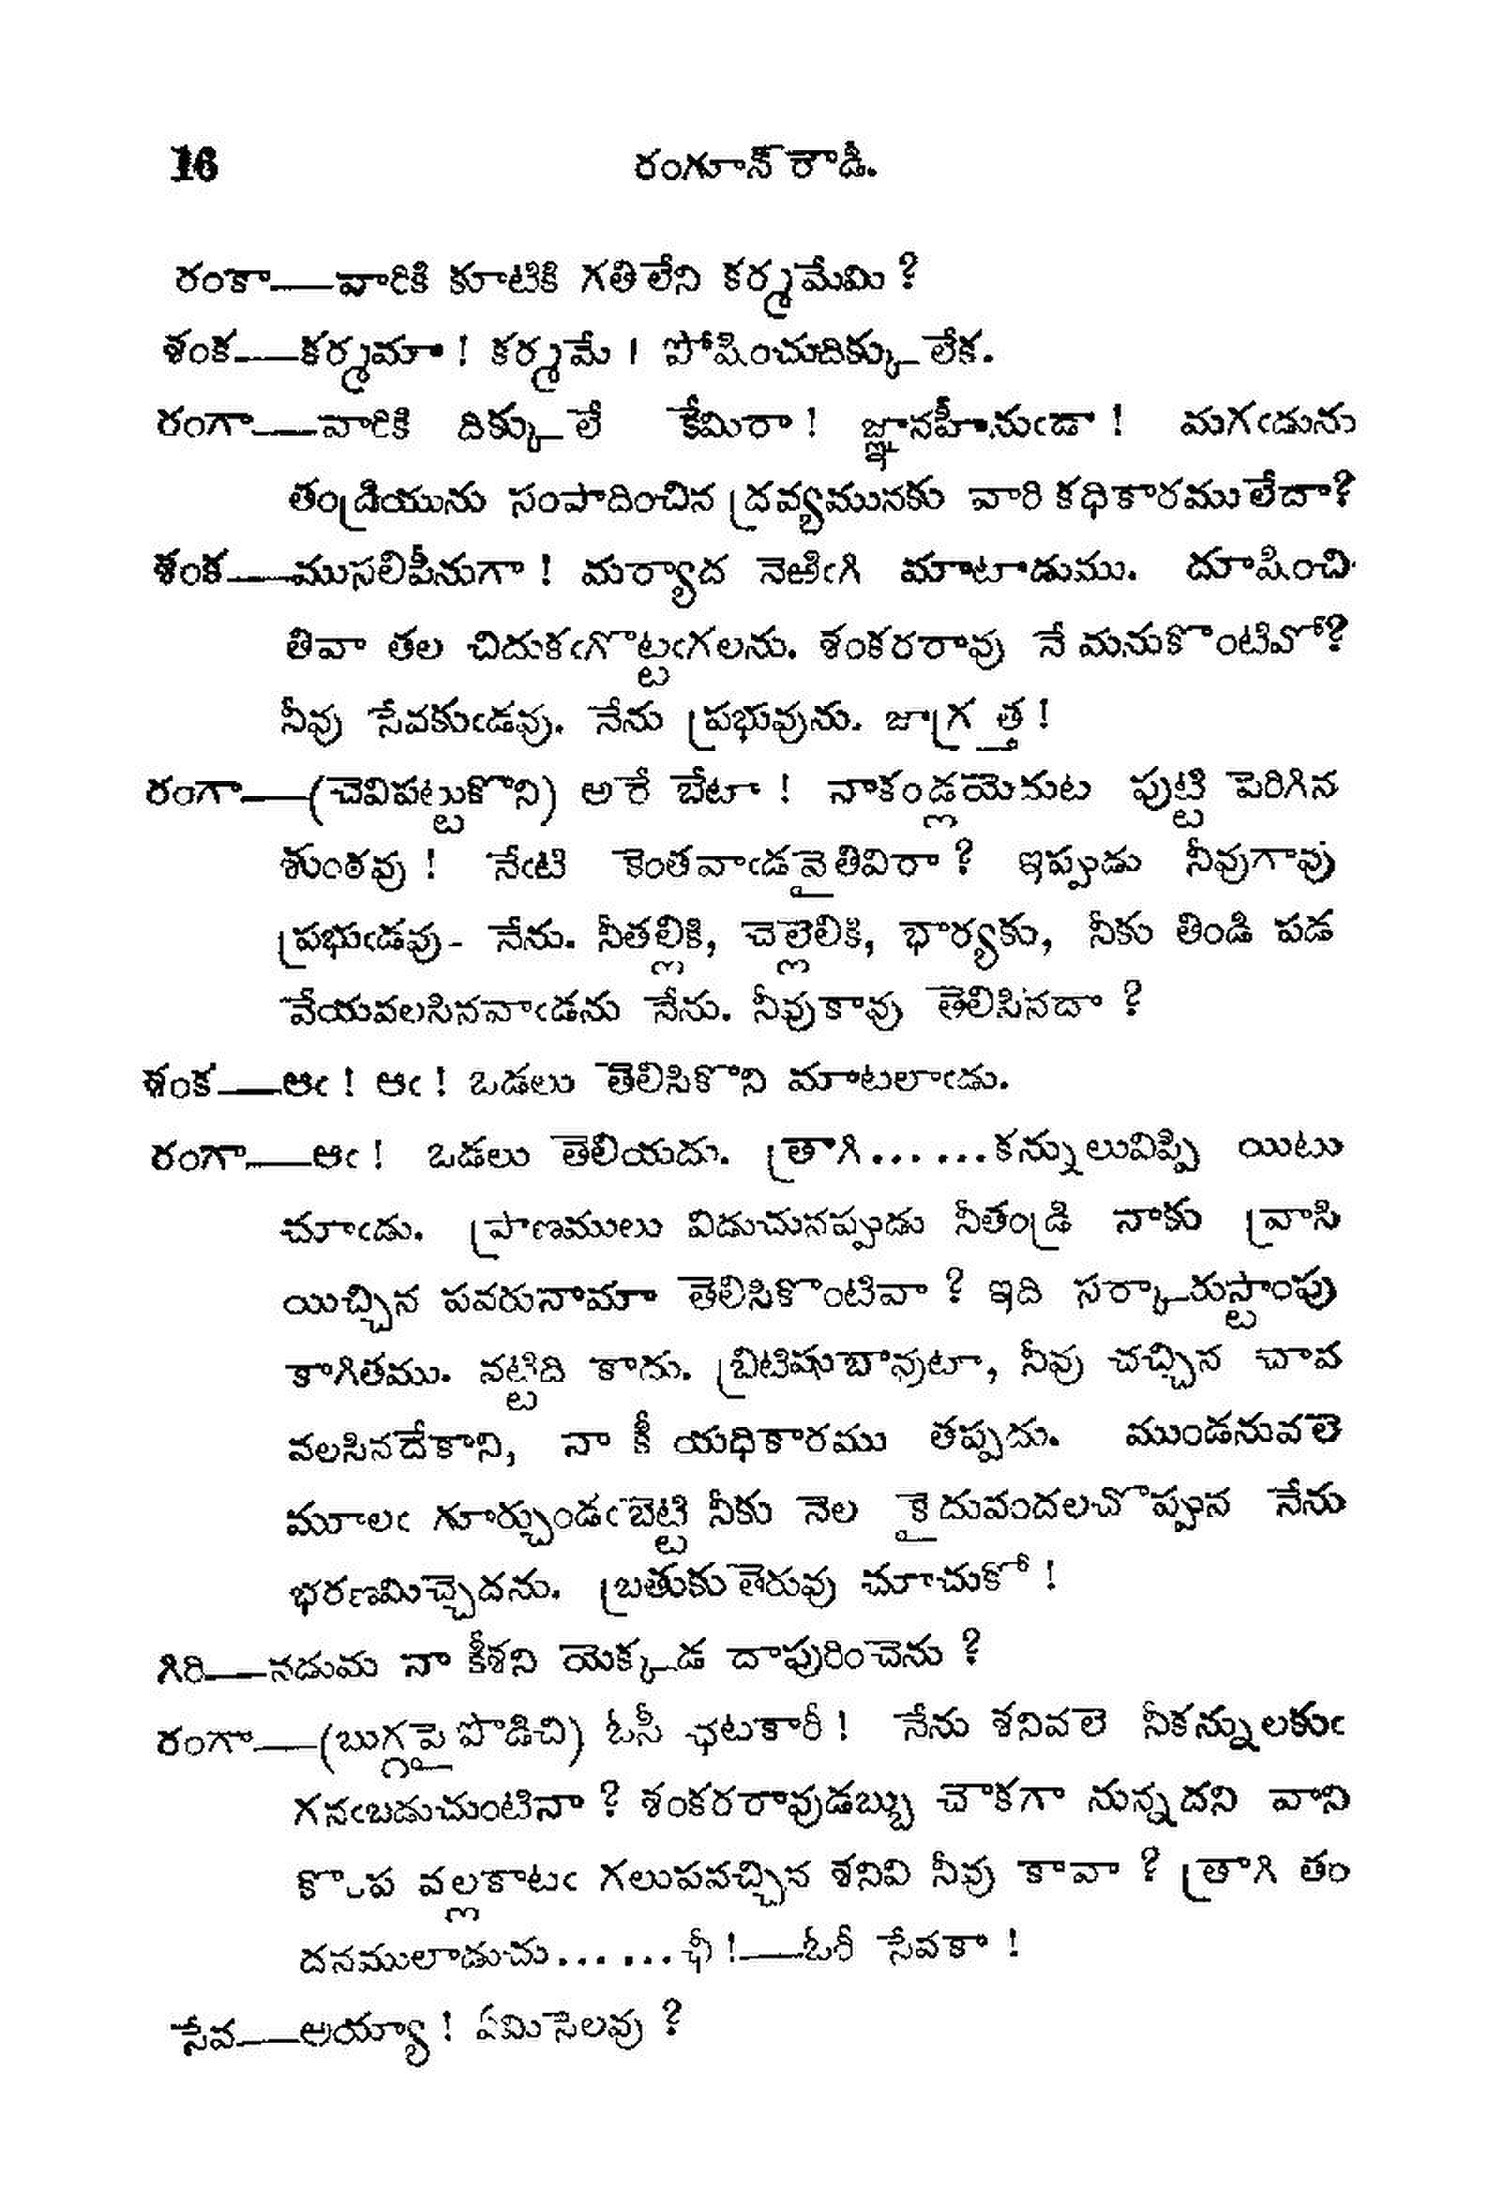రంకా - వారికి కూటికి గతిలేని కర్మమేమి ?

శంక - కర్మమా ! కర్మమే | పోషించుదిక్కు లేక .

రంగా - వారికి దిక్కులే కేమిరా ! జ్ఞానహీనుఁడా ! మగఁడును తండ్రియును సంపాదించిన ద్రవ్యమునకు వారి కధికారములేదా?

శంక - ముసలిపీనుగా ! మర్యాద నెఱిఁగి మాటాడుము. దూషించితివా తల చిదుకఁగొట్టగలను. శంకరరావు నే మనుకొంటివో? నీవు సేవకుఁడవు. నేను ప్రభువును. జాగ్రత్త !

రంగా - (చెవిపట్టుకొని) అరే బేటా ! నాకండ్లయెదుట పుట్టి పెరిగిన శుంఠవు ! నేఁటి కెంతవాఁడవైతివిరా ? ఇప్పుడు నీవుగావు ప్రభుఁడవు - నేను. నీతల్లికి, చెల్లెలికి, భార్యకు, నీకు తిండి పడ వేయవలసినవాఁడను నేను. నీవుకావు తెలిసినదా ?

శంక - ఆఁ! ఆఁ! ఒడలు తెలిసికొని మాటలాఁడు.

రంగా - ఆఁ ! ఒడలు తెలియదు. త్రాగి......కన్నులువిప్పి యిటుచూఁడు. ప్రాణములు విడుచునప్పుడు నీతండ్రి నాకు వ్రాసి యిచ్చిన పవరునామా తెలిసికొంటివా ? ఇది సర్కారుస్టాంపు కాగితము. వట్టిది కాదు. బ్రిటిషుబావుటా, నీవు చచ్చిన చావ వలసినదేకాని, నా కీ యధికారము తప్పదు. ముండనువలె మూలఁ గూర్చుండఁబెట్టి నీకు నెల కైదువందలచొప్పున నేను భరణమిచ్చెదను. బ్రతుకుతెరువు చూచుకో !

గిరి - నడుమ నా కీశని యెక్కడ దాపురించెను ?

రంగా - (బుగ్గపై పొడిచి) ఓసీ ఛటకారీ ! నేను శనివలె నీకన్నులకుఁ గనఁబడుచుంటినా ? శంకరరావుడబ్బు చౌకగా నున్నదని వాని కొంప వల్లకాటఁ గలుపవచ్చిన శనివి నీవు కావా ? త్రాగి తందనములాడుచు......ఛీ ! ఓరీ సేవకా !

సేవ - అయ్యా ! ఏమి సెలవు ?